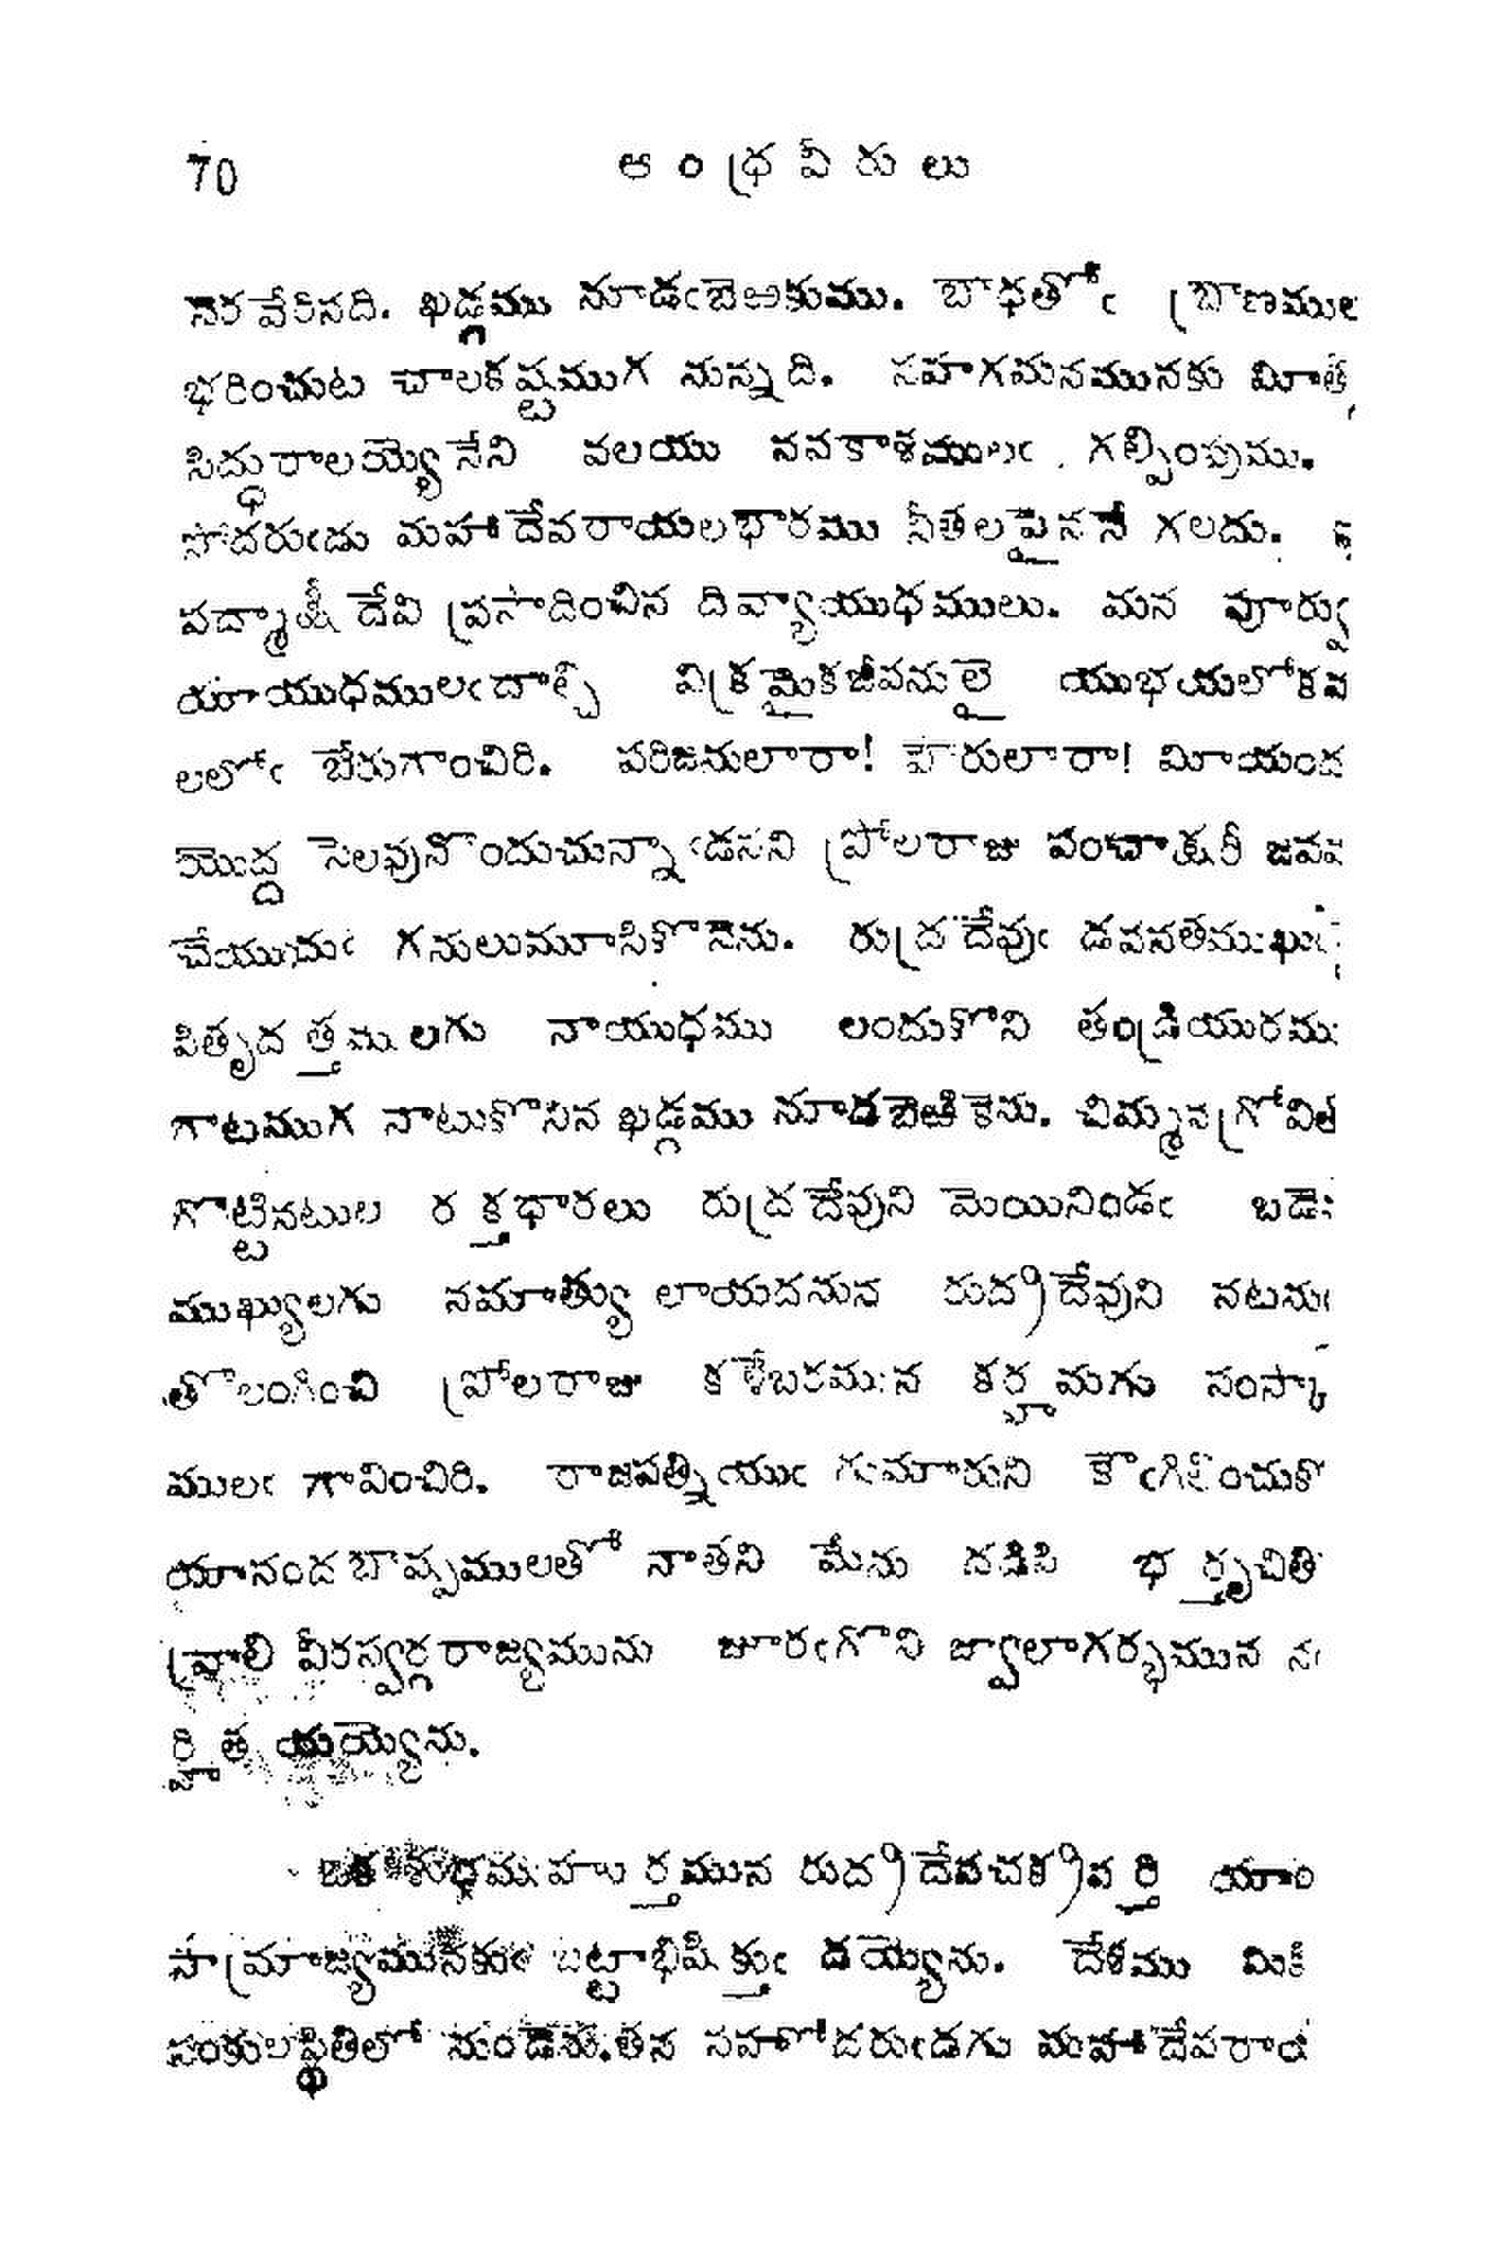నెరవేరినది. ఖడ్గము నూడ బెఱకుము. బాధతో బ్రాణముల భరించుట చాలకష్టముగ నున్నది. సహగమనమునకు మీతల్లి సిద్ధురాలయ్యెనేని వలయు నవకాశముల గల్పింపుము. నీ సోదరుడు మహాదేవ రాయల భారము నీతలపైననే గలదు. ఇవి పద్మాక్షీదేవి ప్రసాదించిన దివ్యాయుధములు. మన పూర్వులు యాయుధముల దాల్చి విక్రమైకజీవనులై యుభయ లోకములలో బేరుగాంచిరి. పరిజనులారా! పౌరులారా! మీయందరి యొద్ద సెలవునొందుచున్నాడనని ప్రోలరాజు పంచాక్షరీ జపము చేయుచు గనులు మూసికొనెను. రుద్రదేవు డపనతముఖుండై పితృదత్తములగు నాయుధము లందుకొని తండ్రియురమున గాటముగ నాటుకొనిన ఖడ్గము నూడబెఱికెను. చిమ్మనగ్రోవితో గొట్టినటుల రక్తధారలు రుద్రదేవుని మెయినిండ బడెను. ముఖ్యులగు నమాత్యు లాయదనున రుద్రదేవుని నటనుండి తొలంగించి ప్రోలరాజు కళేబరమున కర్హమగు సంస్కారముల గావించిరి. రాజపత్నియు గుమారుని కౌగిలించుకొని యానందబాష్పములతో నాతని మేను దడిపి భర్తృచితిపై వ్రాలి వీరస్వర్గ రాజ్యమును జూరగొని జ్వాలా గర్భమున నందర్హిత యయ్యెను.

ఒక శుభముహూర్తమున రుద్రదేవ చక్రవర్తి యాంధ్ర సాంరాజ్యమునకు బట్టాభిషిక్తు డయ్యెను. దేశము మిక్కిలి సంకులస్థితిలో నుండెను. తన సహోదరుడగు మహాదేవరాయ